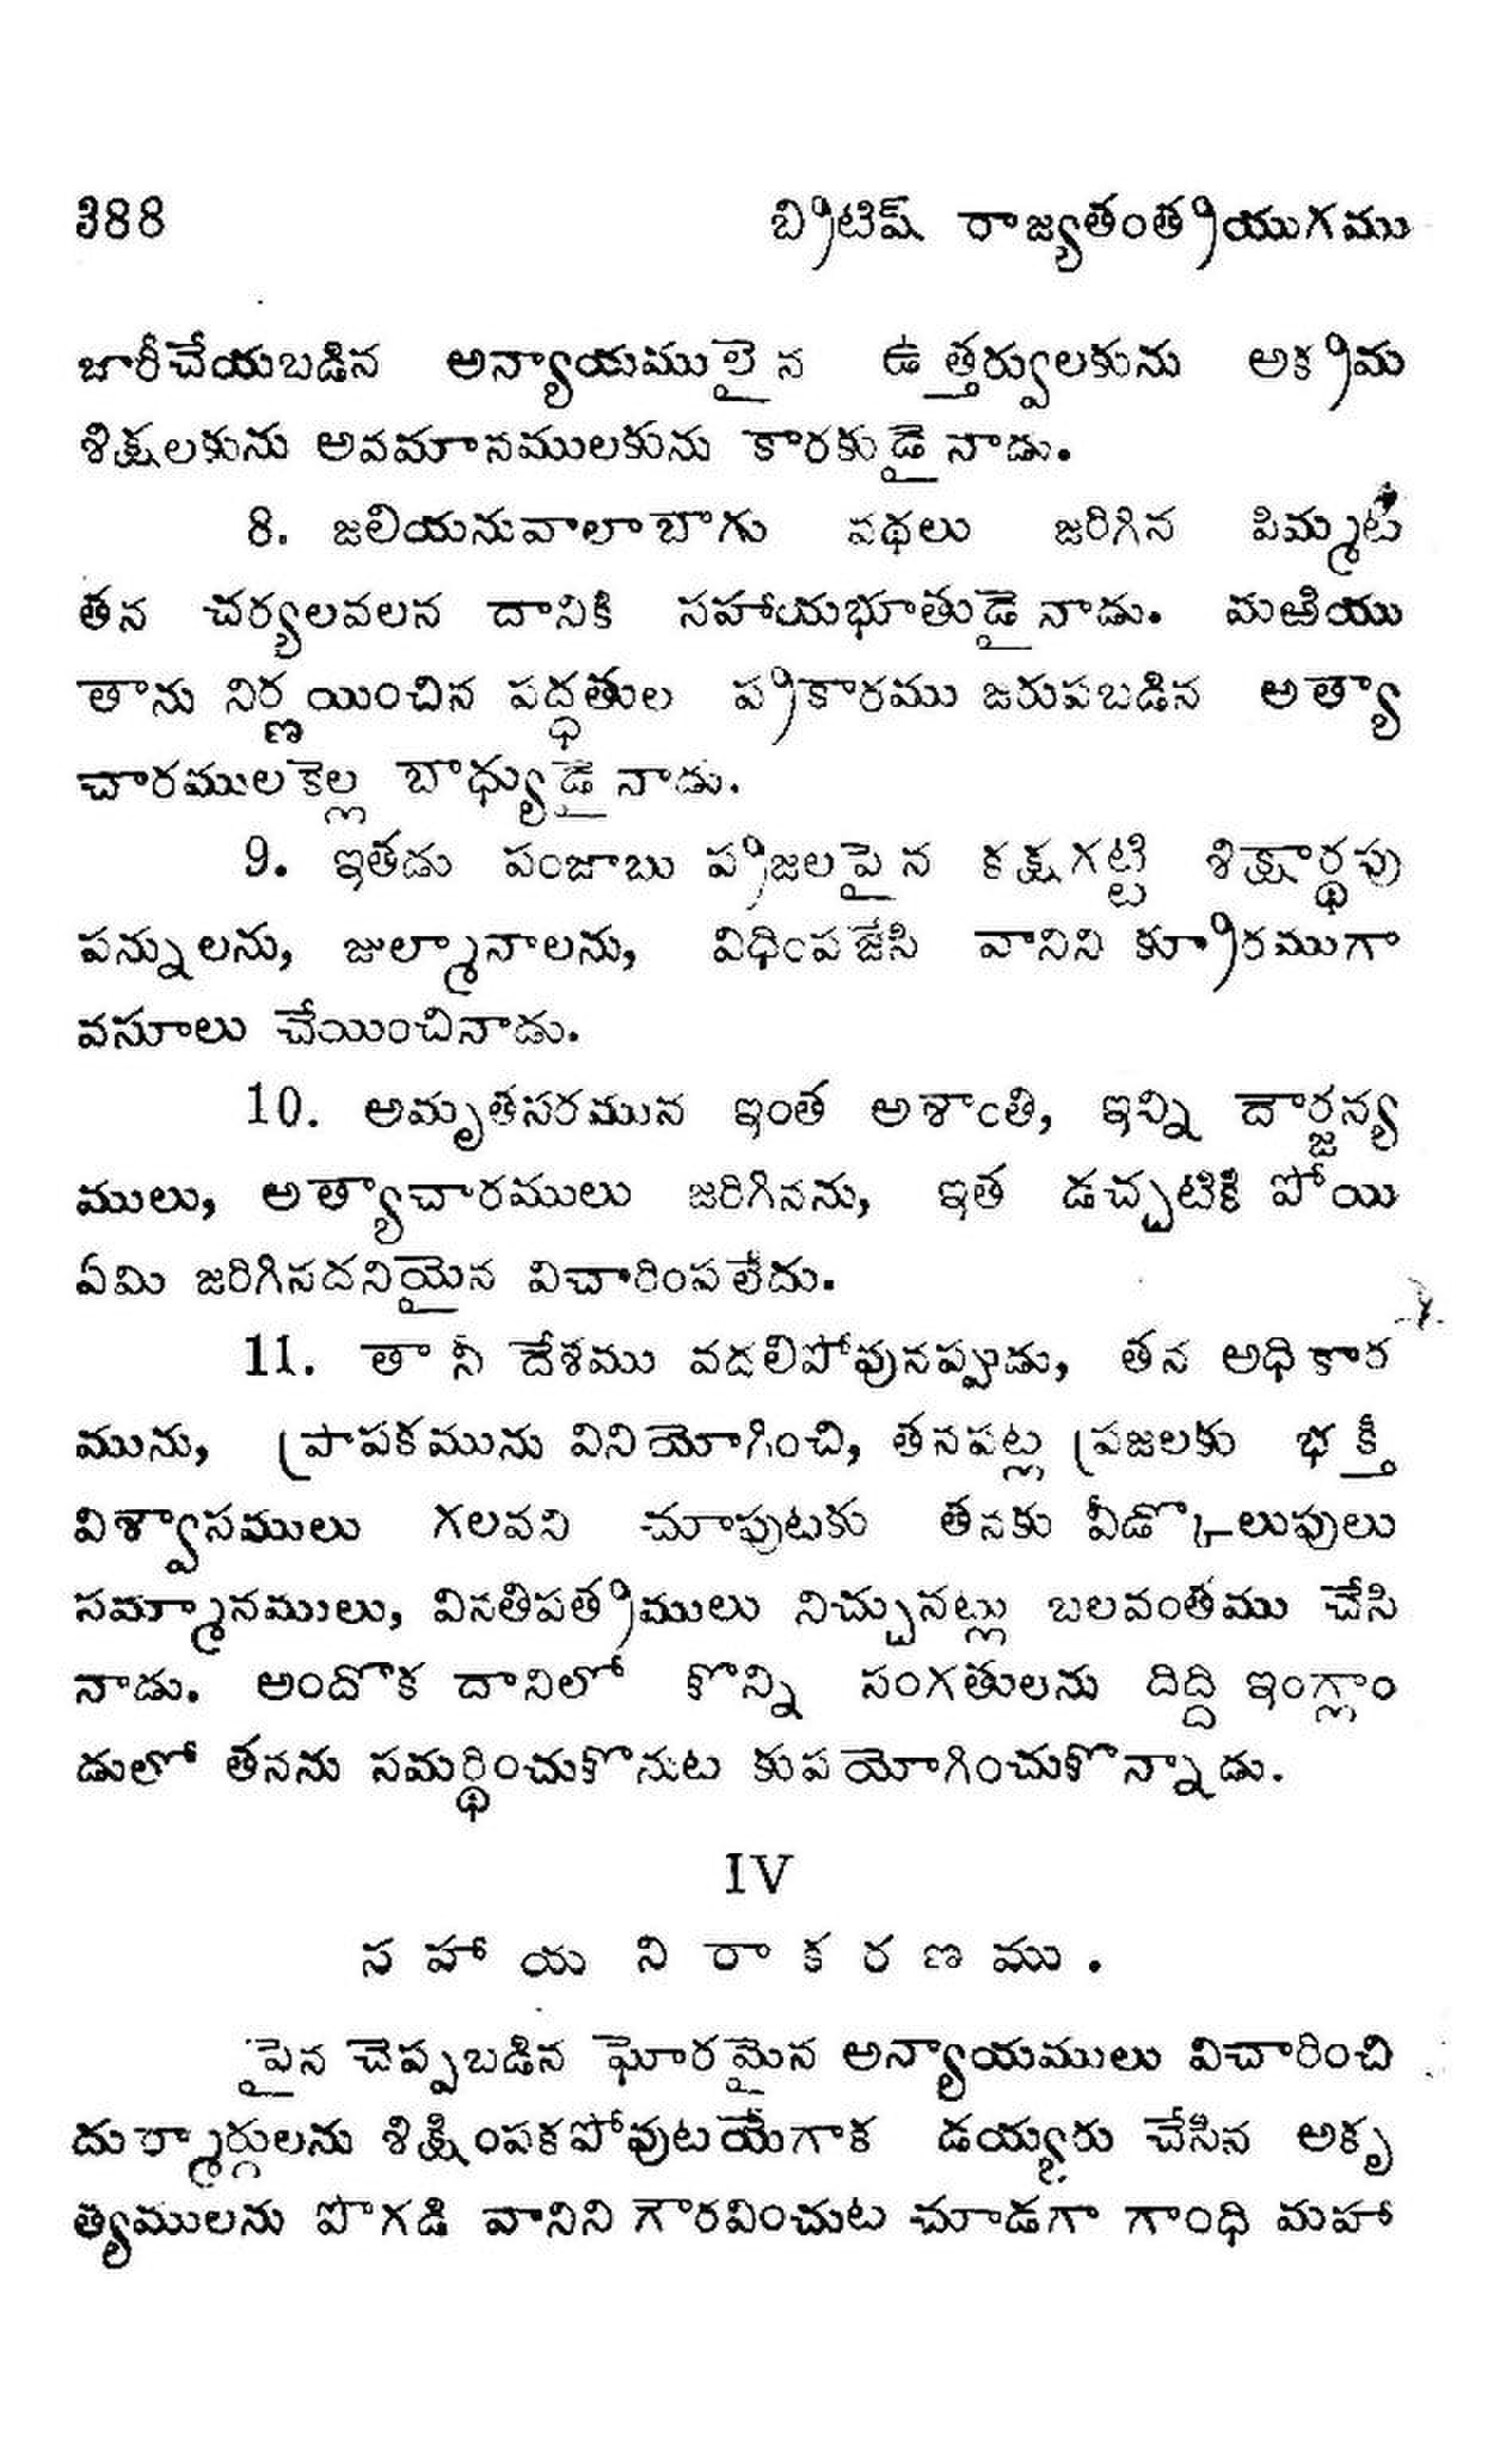జారీచేయబడిన అన్యాయములైన ఉత్తర్వులకును అక్రమ శిక్షలకును అవమానములకును కారకుడైనాడు.

8. జలియనువాలాబాగు వథలు జరిగిన పిమ్మట తన చర్యలవలన దానికి సహాయభూతుడైనాడు. మఱియు తాను నిర్ణయించిన పద్దతుల ప్రకారము జరుపబడిన అత్యాచారములకెల్ల బాధ్యుడైనాడు. 

9. ఇతడు పంజాబు ప్రజలపైన కక్షగట్టి శిక్షార్థపు పన్నులను, జుల్మానాలను, విధింపజేసి వానిని క్రూరముగా వసూలు చేయించినాడు.

10. అమృతసరమున ఇంత అశాంతి, ఇన్ని దౌర్జన్య ములు, అత్యాచారములు జరిగినను, ఇత డచ్చటికి పోయి ఏమి జరిగినదనియైన విచారింపలేదు.

11. తా నీ దేశము వదలిపోవునప్పుడు, తన అధికారమును, ప్రాపకమును వినియోగించి, తనపట్ల ప్రజలకు భక్తి విశ్వాసములు గలవని చూపుటకు తనకు వీడ్కొలుపులు సమ్మానములు, వినతిపత్రములు నిచ్చునట్లు బలవంతము చేసినాడు. అందొక దానిలో కొన్ని సంగతులను దిద్ది ఇంగ్లాండులో తనను సమర్థించుకొనుట కుపయోగించుకొన్నాడు.

IV 
సహాయ నిరాకరణము. 

పైన చెప్పబడిన ఘోరమైన అన్యాయములు విచారించి దుర్మార్గులను శిక్షింపకపోవుటయేగాక డయ్యరు చేసిన అకృత్యములను పొగడి వానిని గౌరవించుట చూడగా గాంధి మహా